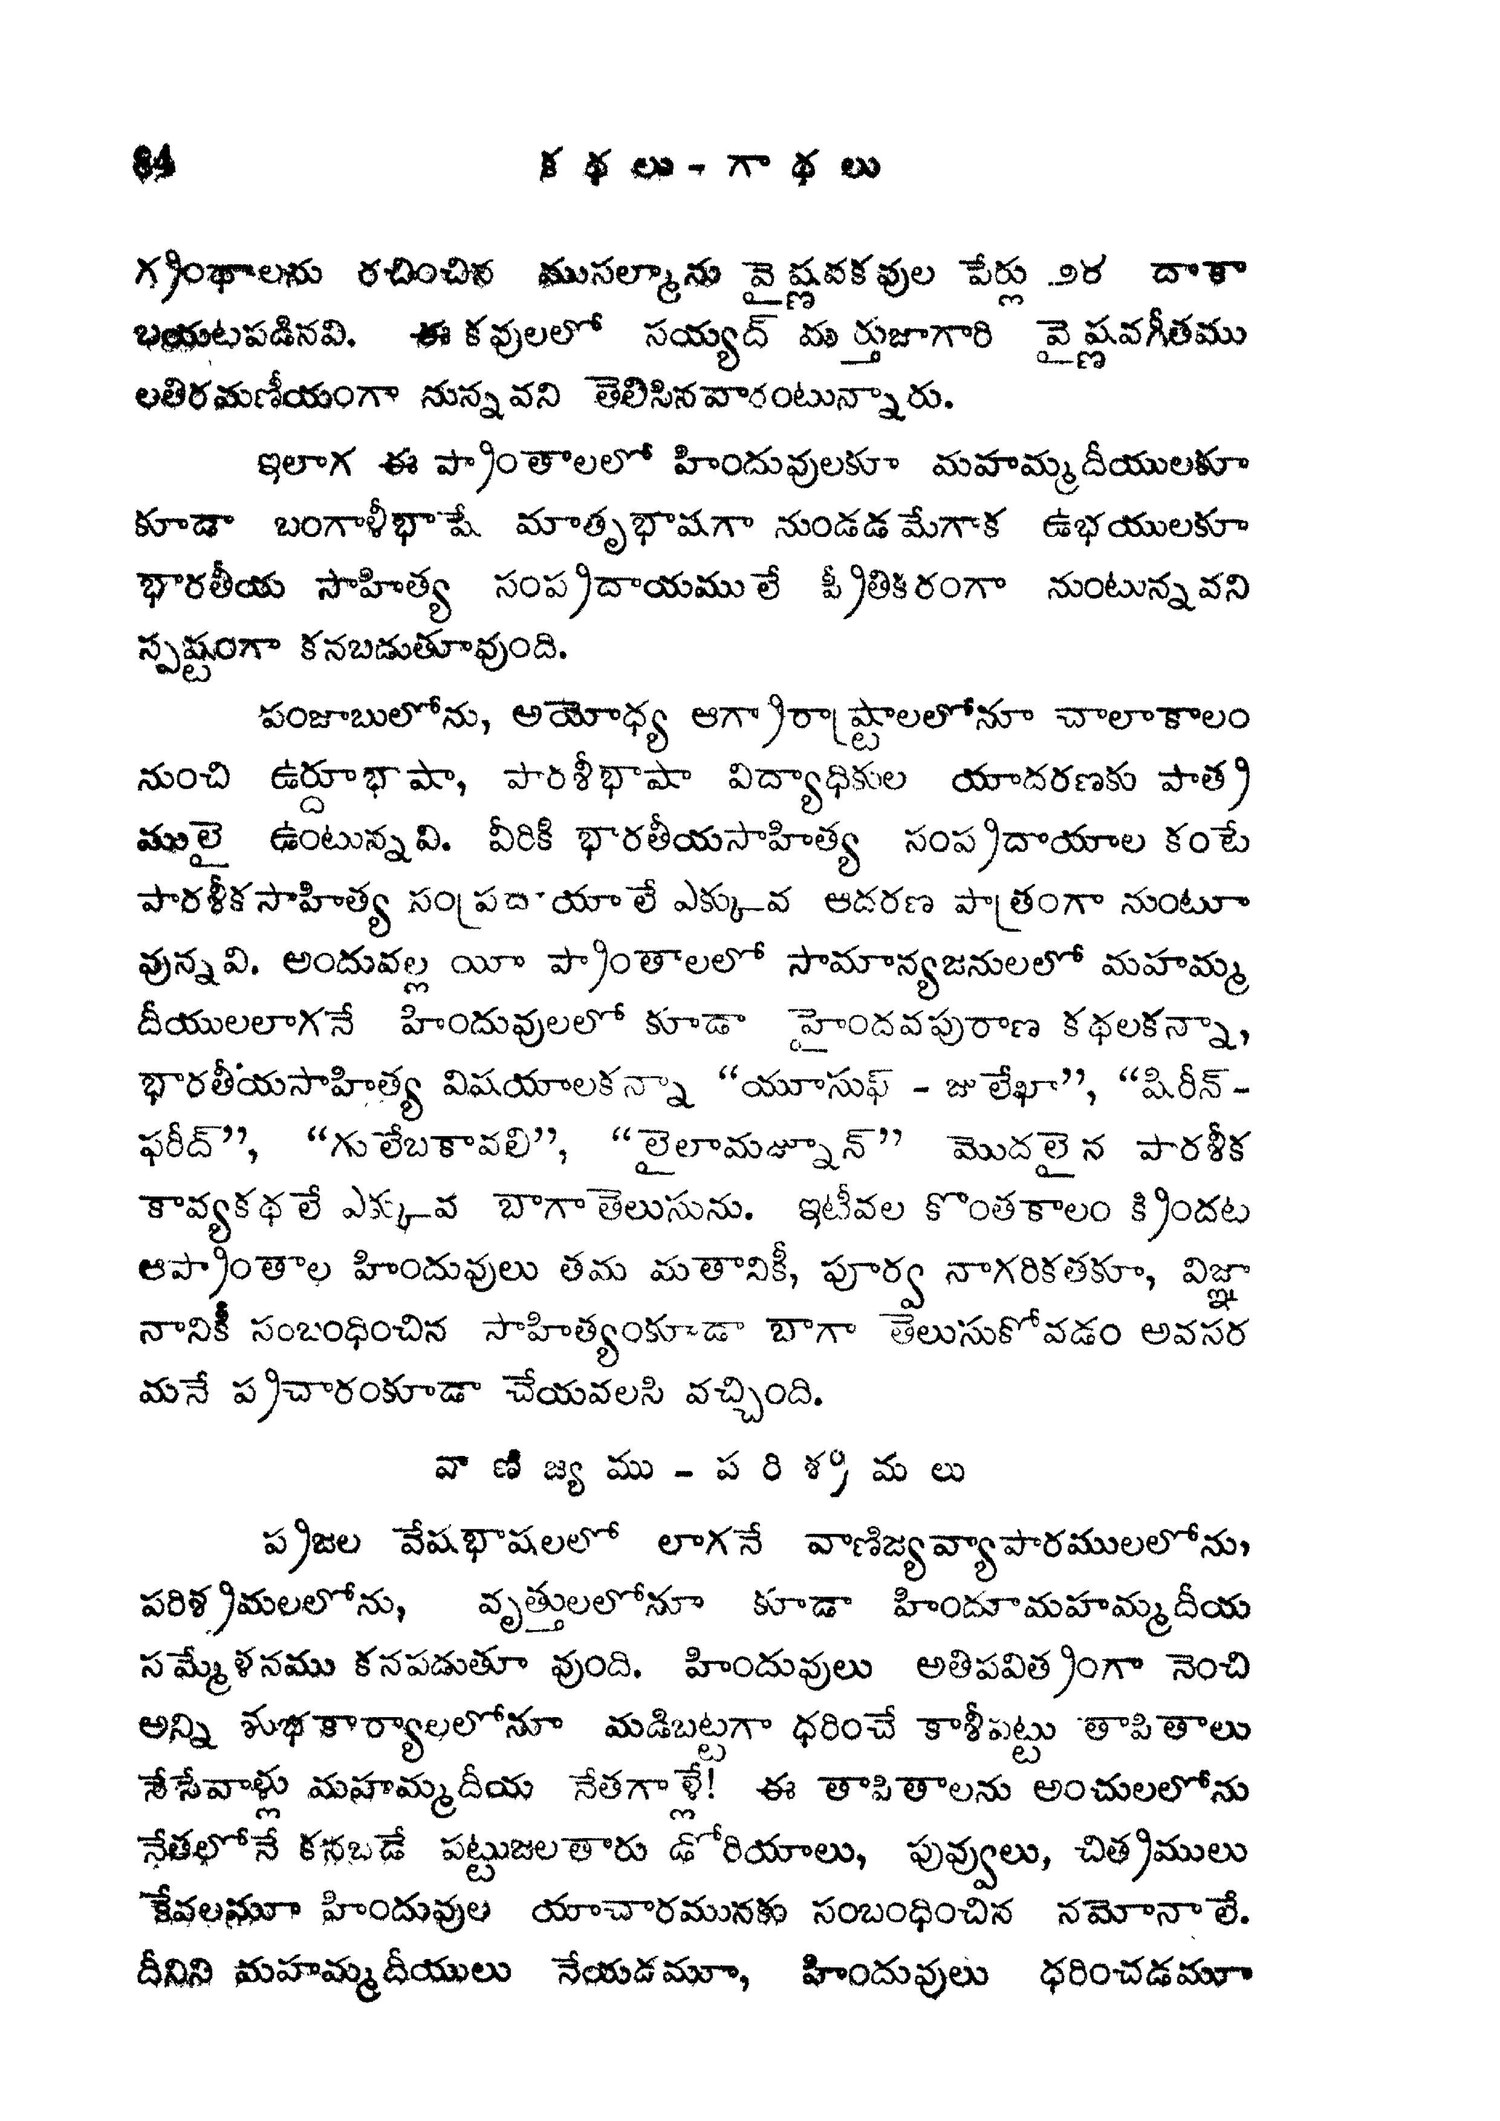గ్రంథాలను రచించిన ముసల్మాను వైష్ణవకవుల పేర్లు 24 దాకా బయటపడినవి. ఈ కవులలో సయ్యద్ మర్తుజాగరి వైష్ణవగీతము లతిరమణీయంగా నున్నవని తెలిసినవారంటున్నారు.

ఇలాగ ఈ ప్రాంతాలలొ హిందువులకూ మహమ్మదీయులకూ కూడా బంగాళీభాష మాతృభాషగా నుండడమేగాక ఉభయులకూ భారతీయ సాహిత్య సంప్రదాయములే ప్రీతికరంగా నుంటున్నవని స్పష్టంగా కనబడుతూవుంది.

పంజాబులోను, అయోధ్య ఆగ్రారాష్ట్రాలలోనూ చాలాకాలం నుంచి ఉర్దూభాషా, పారశీకభాషా విద్యాధికుల యాదరణకు పాత్రములై ఉంటున్నవి. వీరికి భారతీయసాహిత్య సంప్రదాయాల కంటే పారశీకసాహిత్య సంప్రదాయాలే ఎక్కువ ఆదరణ పాత్రంగ నుంటూ వున్నవి. అందువల్ల యీ ప్రాంతాలలో సామాన్యజనులలో మహమ్మదీయులలాగనే హిందువులలోకూడా హైందవపురాణ కధలకన్నా, భారతీయసాహిత్య విషయాలకన్నా "యూసఫ్ - జులేఖా", "షిరీన్ - ఫరీద్", "గులేబకావలి", "లైలామజ్నూన్" మొదలైన పారశీక కావ్యకధలే ఎక్కువ బాగాతెలుసును. ఇటీవల కొంతకాలం క్రిందట ఆప్రాంతాల హిందువులు తమ మతానికీ, పూర్వ నాగరికతకూ, విజ్ఞానానికీ సంబంధించిన సాహిత్యంకూడా బాగా తెలుసుకోవడం అవసరమనే ప్రచారంకూడా చేయవలసి వచ్చింది.

ప్రజల వేషభాషలలో లాగనే వాణిజ్యవ్యాపారములలోను, పరిశ్రమలలోను, వృత్తులలోనూ కూడా హిందూమహమ్మదీయ సమ్మేళనము కనబడుతూ వుంది. హిందువులు అతిపవిత్రంగా నెంచి అన్ని శుభకార్యాలలోనూ మడిబట్టగా ధరించే కాశీపట్టు తాపితాలు నేసేవాళ్లు మహమ్మదీయ నేతగాళ్లే! ఈ తాపితాలను అందులోను నేతలొనే కనబడే పట్టుజలతారు డోరియాలు, పువ్వులు, చిత్రములు కేవలమూ హిందువుల యాచారమునకు సంబంధించిన నమోనాలే. దీనిని మహమ్మదీయులు నేయడమూ, హిందువులు ధరించడమూ